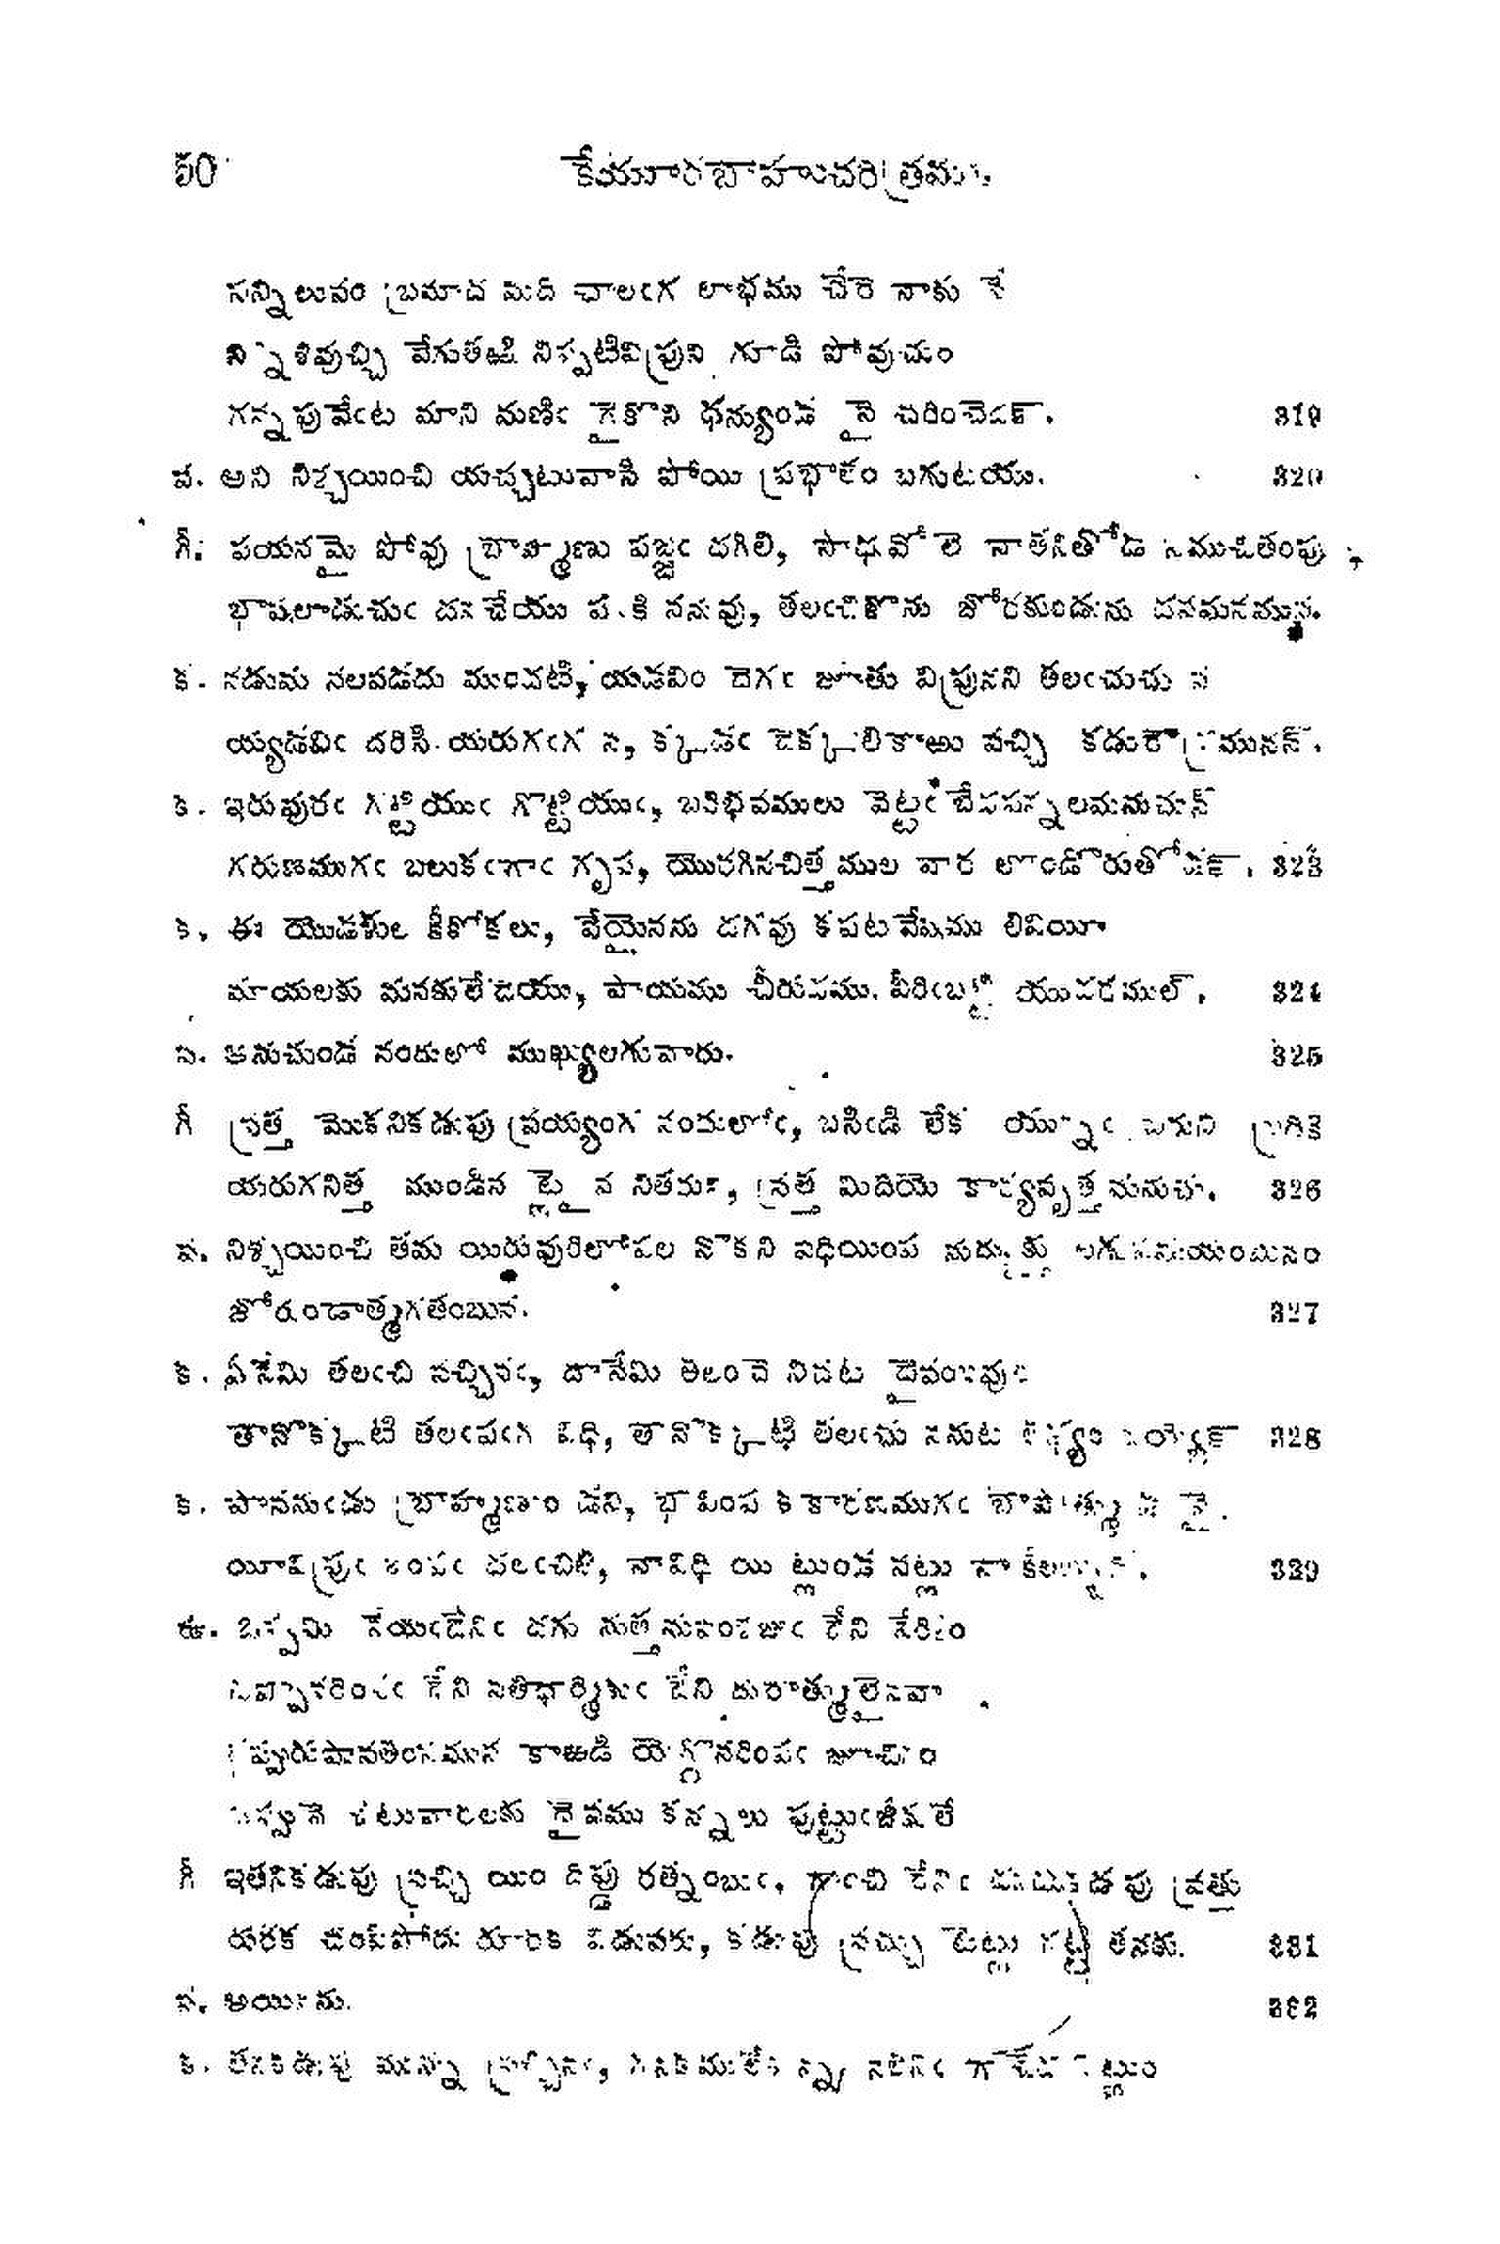సన్నిలువం బ్రమాద మది చాలఁగ లాభము చేరె నాకు నే
 నిన్నిశివుచ్చి వేగుతఱి నిప్పటివిప్రుని గూడి పోవుచుం
 గన్నపువేఁట మాని మణిఁ గైకొని ధన్యుండ నై చరించెదన్
వ. అని నిశ్చయించి యచ్చోటువాసి పోయి ప్రభాతం బగుటయు.
గీ. పయనమై పోవు బ్రాహ్మణు పజ్జఁ దగిలి, సాధువోలె నాతనితోడ సముచితంపు
 భాషలాడుచుఁ దనచేయు పనికి ననువు, తలఁచికొను జోరకుండును దనమనమున.
క. నడుమ నలవడదు ముందటి, యడవిం దెగఁ జూతు విప్రునని తలఁచుచు స
 య్యడవిఁ దరిసి యరుగఁగ న, క్కడఁ దెక్కలికాఱు వచ్చి కడురౌద్రమునన్.
క. ఇరువురఁ గట్టియుఁ గొట్టియుఁ, బరిభవములు వెట్టఁ బేదపన్నల మనుచున్
 గరుణముగఁ బలుకఁగాఁ గృప, యొరగినచిత్తముల వార లొండొరుతోడన్.
క. ఈ యొడళుల కీకోకలు, వేయైనను దగవు కపటవేషము లివి యీ
 మాయలకు మనకు లేదె యు, పాయము చీరుదము వీరిఁ బట్టి యుదరముల్.
వ. అనుచుండ నందులో ముఖ్యలగువారు.
గీ. వ్రత్త మొకనికడుపు వ్రయ్యంగ నందులో, బసిఁడి లేక యున్నఁ బరుని బ్రదికి
 యరుగనిత్త ముండిన ట్లైన నితరుల, వ్రత్త మిదియె కార్యవృత్త మనుచు.
వ. నిశ్చయించి తమ యిరువురిలోపల నొకని వధియింప నుద్యుక్తు లగుసమయంబునం
 జోరుం డాత్మగతంబున.
క. ఏ నేమి తలఁచి వచ్చినఁ, దా నేమి తలంచె నిచట దైవం బవురా
 తా నొక్కటి తలఁపఁగ విధి, తా నొక్కటి తలఁచు ననుట తథ్యం బయ్యెన్.
క. పావనుఁడు బ్రాహ్మణుం డని, భావింప కకారణముగఁ బాపాత్ముఁడ నై
 యీ విప్రుఁ జంపఁదలఁచితి, నావిధి యిట్లుండ నట్లు నా కేలబ్బున్.
మ. ఒప్పమి సేయఁడేని దగు నుత్తమవంశజుఁ డేని నేరికిం
 ద ప్పొనరింపఁ డేని నతిధార్మికుఁ డేని దురాత్మలైనవా
 రప్పురుషావతంసమున కాఱడి యెగ్గొనరింపఁ జూచినం
 దప్పునె చేటు వారలకు దైవము కన్నలు పుట్టుఁ జీకులే.
గీ. ఇతనికడుపు వ్రచ్చి యిం దిప్డు రత్నంబుఁ గాంచిరేని దనదుకడుపు వ్రత్తు
 రురక చంపిపోదు రూరక విడువరు, కడుపు వ్రచ్చు టెట్లు గట్టి తనకు.
వ. అయినను.
క. తనకడుపు మున్ను వ్రచ్చినఁ, గనకము లేకున్న నతనిఁ గాచెద నిట్లుం